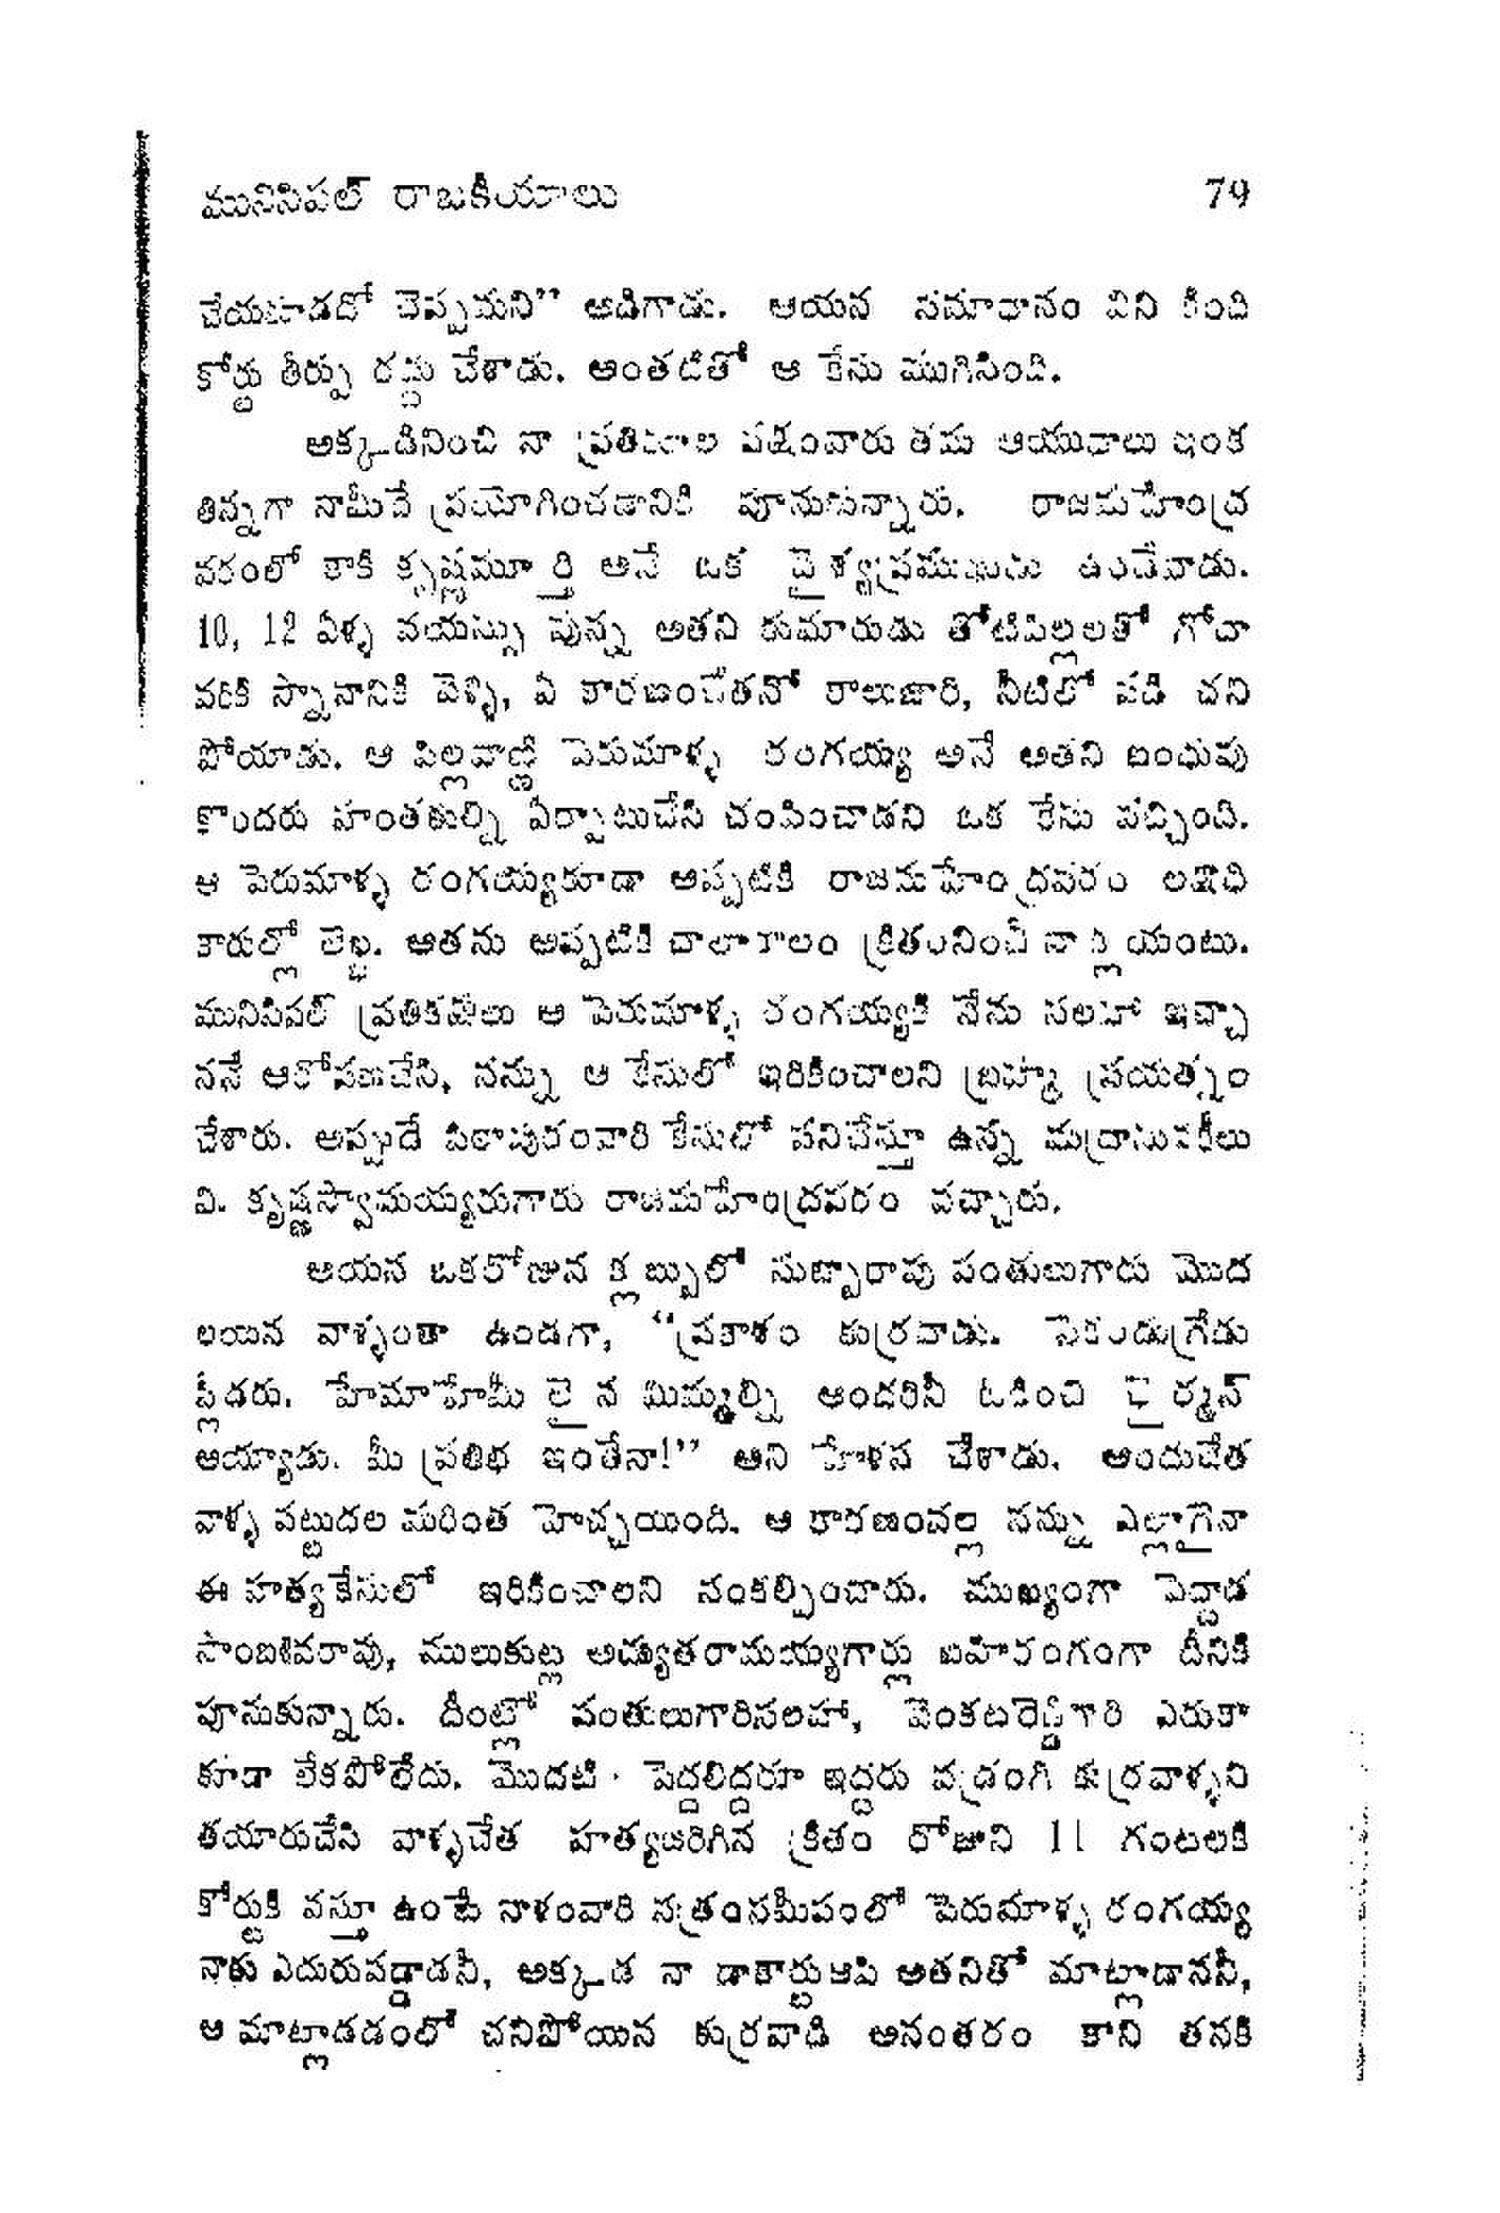చేయకూడదో చెప్పమని" అడిగాడు. ఆయన సమాధానం విని కింది కోర్టు తీర్పు రద్దు చేశాడు. అంతటితో ఆ కేసుముగిసింది.

అక్కడినించి నా ప్రతికూల పక్షంవారు తమ ఆయుధాలు ఇంక తిన్నగా నామీదే ప్రయోగించడానికి పూనుకున్నారు. రాజమహేంద్రవరంలో కాకి కృష్ణమూర్తి అనే ఒక వైశ్యప్రముఖుడు ఉండేవాడు. 10, 12 ఏళ్ళ వయస్సు వున్న అతని కుమారుడు తోటిపిల్లలతో గోదావరికి స్నానానికి వెళ్ళి, ఏ కారణంచేతనో కాలుజారి, నీటిలో పడి చనిపోయాడు. ఆ పిల్లవాణ్ణి పెరుమాళ్ళ రంగయ్య అనే అతని బంధువు కొందరు హంతకుల్ని ఏర్పాటుచేసి చంపించాడని ఒక కేసు వచ్చింది. ఆ పెరుమాళ్ళ రంగయ్యకూడా అప్పటికి రాజమహేంద్రవరం లక్షాధికారుల్లో లెఖ్ఖ. అతను అప్పటికి చాలాకాలం క్రితంనించీ నాక్లయంటు. మునిసిపల్ ప్రతికక్షులు ఆ పెరుమాళ్ళ రంగయ్యకి నేను సలహా ఇచ్చాననే ఆరోపణచేసి, నన్ను ఆ కేసులో ఇరికించాలని బ్రహ్మ ప్రయత్నం చేశారు. అప్పుడే పిఠాపురంవారి కేసులో పనిచేస్తూ ఉన్న మద్రాసు వకీలు వి. కృష్ణస్వామయ్యరుగారు రాజమహేంద్రవరం వచ్చారు.

ఆయన ఒకరోజున క్లబ్బులో సుబ్బారావు పంతులుగారు మొదలయిన వాళ్ళంతా ఉండగా, "ప్రకాశం కుర్రవాడు. సెకండుగ్రేడు ప్లీడరు. హేమాహేమీలైన మిమ్మల్ని అందరినీ ఓడించి ఛైర్మన్ అయ్యాడు. మీ ప్రతిభ ఇంతేనా!" అని హేళన చేశాడు. అందుచేత వాళ్ళ పట్టుదల మరింత హెచ్చయింది. ఆ కారణంవల్ల నన్ను ఎల్లాగైనా ఈ హత్యకేసులో ఇరికించాలని సంకల్పించారు. ముఖ్యంగా పెద్దాడ సాంబశివరావు, ములుకుట్ల అచ్యుతరామయ్యగార్లు బహిరంగంగా దీనికి పూనుకున్నారు. దీంట్లో పంతులుగారిసలహా, వెంకటరెడ్డిగారి ఎరుకా కూడా లేకపోలేదు. మొదటి పెద్దలిద్దరూ ఇద్దరు వడ్రంగి కుర్రవాళ్ళని తయారుచేసి వాళ్ళచేత హత్యజరిగిన క్రితం రోజుని 11 గంటలకి కోర్టుకి వస్తూ ఉంటే నాళంవారి సత్రంసమీపంలో పెరుమాళ్ళ రంగయ్య నాకు ఎదురుపడ్డాడనీ, అక్కడ నా డాకార్టుఆపి అతనితో మాట్లాడాననీ, ఆ మాట్లాడడంలో చనిపోయిన కుర్రవాడి అనంతరం కాని తనకి